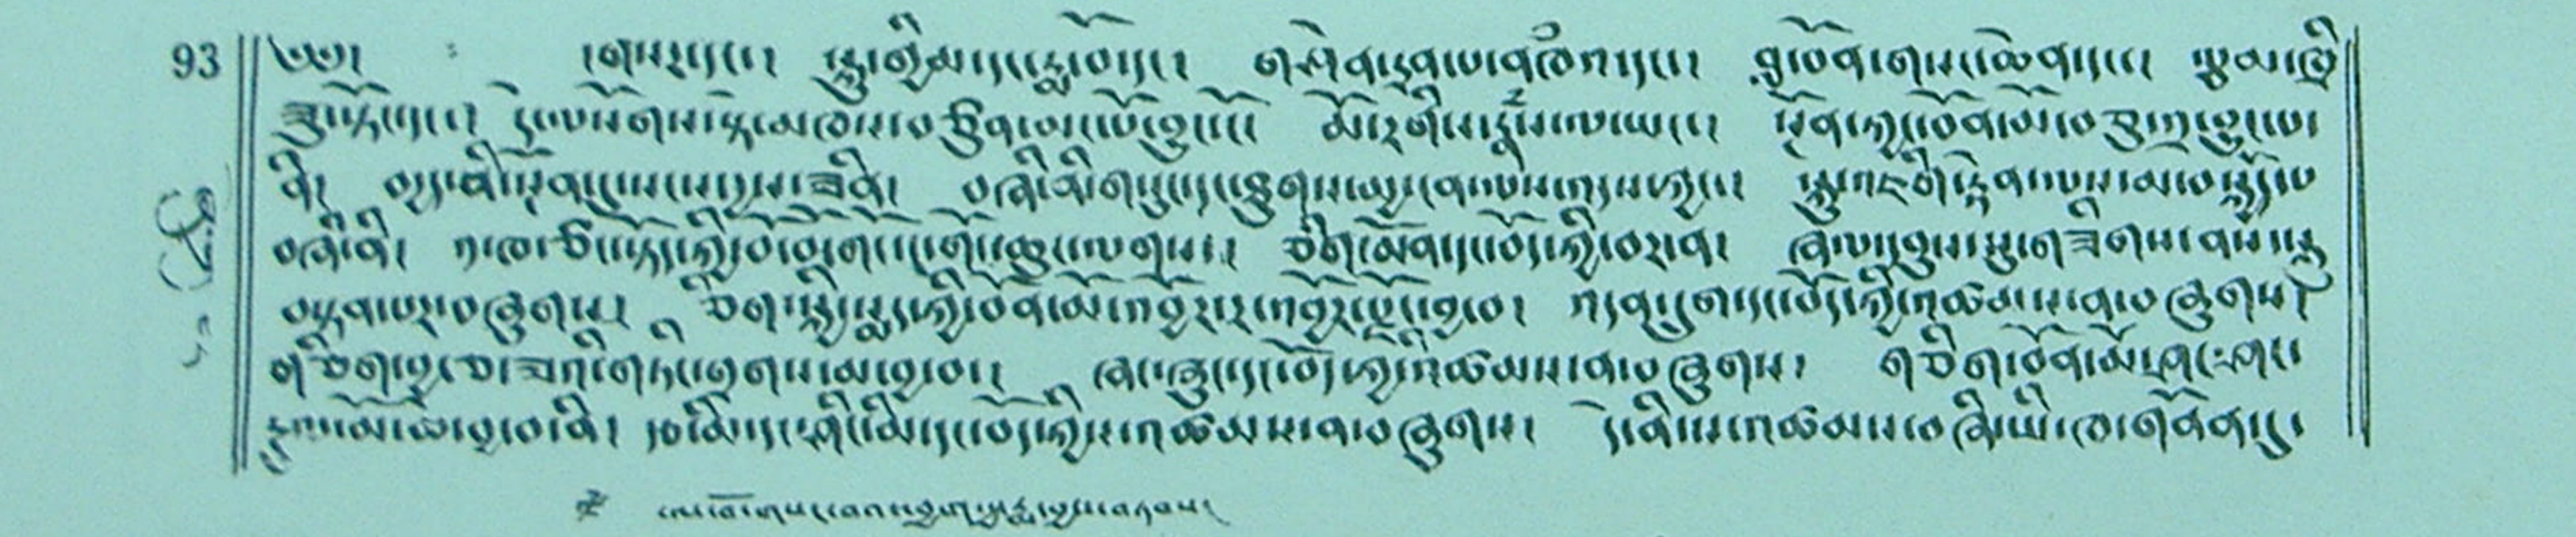༄༅། །གསར་དང་། སྐུ་གྱིམ་དང་རྨ་བོ་དང་། གཤེན་དྲན་པ་ནམ་མཁའ་དང་། བླ་བོན་གསང་ཆེན་དང་། ལྕམ་ཁྲི་
ཟུང་སྟོང་དང་། དེ་ལས་སོགས་པའི་མཁས་བཙུན་མང་པོ་བྱུང་ངོ་། །མོ་རིགས་རྣམས་ལ་ཡང་། སྔོན་ཀྱང་བོན་མོ་བཅུ་གཉིས་བྱུང་བ་
ནི། བརྒྱད་ནི་སྔོན་དུ་སངས་རྒྱས་ཟིན། བཞི་ནི་གསུང་དང་ཐུགས་མྱ་ངན་ལས་འདས་ཀྱང་། སྐུ་འཇིག་རྟེན་ལས་མ་བསྐྱོད་པ་
བཞི་ནི། གཅིག་ཁ་ཙང་སྟོད་ཀྱི་བོན་མོ་གོང་ང་གོང་ཆུང་ལགས། གཅིག་མོན་དང་བོད་ཀྱི་བར་ན། ཞལ་དབུས་སུ་གཟིགས་ནས་སྐུ་
བསྟན་པར་བཞུགས། ཅིག་སྐྱི་སྨད་ཀྱི་བོན་མོ་འབྱོར་ར་འབྱོར་རྫོང་བྱ་བ། འདན་དྲུག་དང་བོད་ཀྱི་འཚམས་ན་བཞུགས། 
གཅིག་བྱ་ཅ་ཟའི་གཏིང་གྲགས་མ་བྱ་བ། ཞང་ཞུང་དང་བོད་ཀྱི་འཚམས་ན་བཞུགས། གཅིག་བོན་མོ་ཤང་ཤང་
རྔུལ་མོ་ཆེ་བྱ་བ་ནི། རྩ་མི་དང་ཤིང་མི་དང་བོད་ཀྱིས་འཚམས་ན་བཞུགས། དེ་ནི་ས་འཚམས་བཞིའི་ཁ་གནོན་དུ་